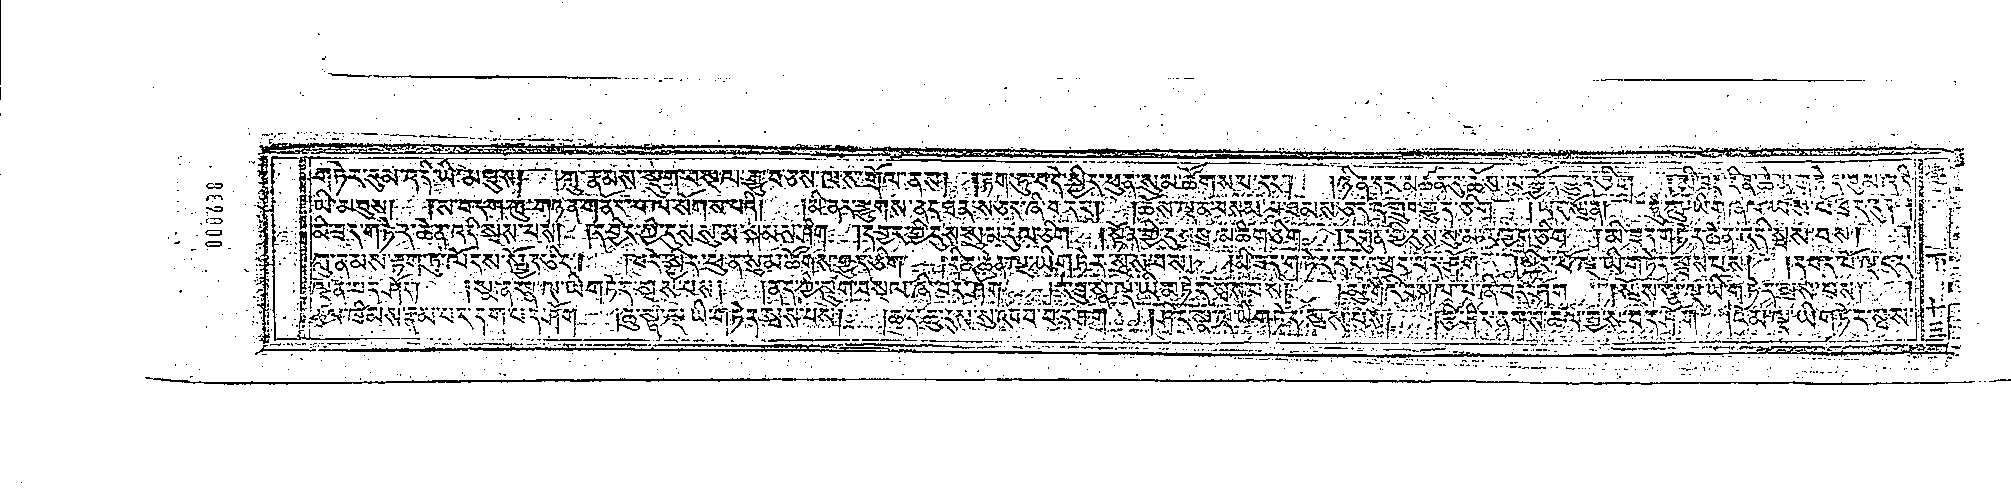གཏེར་བུམ་འདི་ཡི་མཐུས། །ཀླུ་རྣམས་སྡུག་བསྔལ་རྒྱུ་བཅས་ལས་གྲོལ་ནས། །རྟག་ཏུ་བདེ་སྐྱིད་ཕུན་སུམ་ཚོགས་པ་དང་། །ཉིན་དང་མཚན་དུ་ཆོས་ལ་སྤྱོད་གྱུར་ཅིག །མི་ཟད་རིན་ཆེན་གཏེར་བུམ་འདི་
ཡི་མཐུས། །ས་བདག་ཀླུ་གཉན་གནོད་པ་ལ་སོགས་པའི། །མི་ནད་ཕྱུགས་ནད་ཐམས་ཅད་ཞི་བ་དང་། །ཆོས་ལྡན་བསམ་པ་ཐམས་ཅད་འགྲུབ་གྱུར་ཅིག །ཡང་སྤྲོ་ན། ཧཱུཾ་ཀླུ་ཡི་གཞལ་ཡས་ཕོ་བྲང་དུ། །
མི་ཟད་གཏེར་ཆེན་འདི་སྦས་པས། །དཔྱིད་ཀྱི་དུས་སུ་མ་སྐམས་ཤིག །དབྱར་གྱི་དུས་སུ་མ་རུལ་ཅིག །སྟོན་གྱི་དུས་སུ་མ་ཚིག་ཅིག །དགུན་གྱི་དུས་སུ་མ་འཁྱག་ཅིག །མི་ཟད་གཏེར་ཆེན་འདི་སྦས་བས། །
ཀླུ་རྣམས་རྟག་ཏུ་ལོངས་སྤྱོད་ཅིང་། །བདེ་སྐྱིད་ཕུན་སུམ་ཚོགས་གྱུར་ཅིག །རིན་ཆེན་ལྔ་ཡི་གཏེར་སྦས་པས། །མི་ཟད་གཏེར་དང་འཕྲད་པར་ཤོག །སྙིང་པོ་ལྔ་ཡི་གཏེར་སྦས་པས། །དབང་པོ་ལྔ་དང་
ལྡན་པར་ཤོད། །སྨན་སྣ་ལྔ་ཡི་གཏེར་སྦས་པས། །ནད་ཀྱི་སྡུག་བསྔལ་ཞི་བར་ཤོག །འབྲུ་སྣ་ལྔ་ཡི་གཏེར་སྦས་པས། །མུ་གེའི་བསྐལ་པ་ཞི་བར་ཤོག །སྤོས་སྣ་ལྔ་ཡི་གཏེར་སྦས་པས། །
ཚུལ་ཁྲིམས་རྣམ་པར་དག་པར་ཤོག །ཆུ་སྣ་ལྔ་ཡི་གཏེར་སྦས་པས། །ཆར་ཆུ་དུས་སུ་འབབ་བར་ཤོག །ཤིང་སྣ་ལྔ་ཡི་གཏེད་སྤས་པས། །རྩི་ཤིང་ནགས་ཚལ་རྒྱ་ས་བར་ཤོག །འོ་མ་ལྔ་ཡི་གཏེར་སྦས་
༠༡༦ཨ་༄༅། །པས། །ཟས་རྣམས་རོ་མཆོག་ལྡན་པར་ཤོག །དར་ཟབ་ལྔ་ཡི་གཏེར་སྦས་པས། །གོས་རྣམས་དྲོང་དང་ལྡན་པར་ཤོག །ཀླུ་ཡི་ནོར་བརྒྱད་གཏེར་སྦས་པས། །འཁོར་
དང་ལོངས་སྤྱོད་རྒྱས་པར་ཤོག །ནོར་བུ་རིན་ཆེན་གཏེར་སྦས་པ་ས། །བསམ་པ་ཡིད་བཞིན་འགྲུབ་པར་ཤོག །ཀླུ་གཟུགས་སྣ་ཚོགས་གཏེར་སྦས་པས། །བཀྲ་ཤིས་ནད་མེད་བདེ་བར་ཤོག །རྫ་བུམ་
གསར་བའི་གཏེར་སྦས་པས། །མི་འཇིགས་བཞི་དང་ལྡན་པར་ཤོག །མི་ཟད་རིན་ཆེན་བུམ་པ་འདི། །སྦ་ནི་མི་མངོན་དབྱིངས་སུ་སྦ། །འཆོལ་ནི་གཞི་བདག་ཀླུ་ལ་འཆོལ། །དབང་ནི་མི་དང་སྤྱི་ཡིས་
དབང་། །ཀླུ་ཡིས་སྤྱད་ན་མི་ལ་ཕན། །འོག་ཏུ་ཀླུ་ཕྱག་དར་པ་བཞིན། །སྟེང་དུ་མི་ཕྱུག་དར་བ་ཡིན། །འོག་ཏུ་ཀླུ་རྒྱས་དར་བ་བཞིན། །སྟེང་དུ་མི་རྒྱས་དར་བ་ཡིན། །འོག་ཏུ་ཀླུ་གཉན་བཙན་པ་ལྟར།།
སྟེར་བུ་མི་གཉན་བཙན་པར་ཤོག །འོག་ཏུ་ཀླུ་སྐྱིད་བདེ་བ་ལྟར། །སྟེང་དུ་མི་སྐྱིད་བདེ་བར་ཤོག །རིན་ཆེན་རྫ་ཡི་བུམ་པ་ནས། །ཀླུ་དང་མི་ཡི་གནས་ཕྱོགས་སུ། །སྐྱིད་ཀྱི་ཆུ་མིག་རྡོལ་བ་ཡིན། །ནོར་
གྱི་བར་མཛོད་ཆེན་པོ་རྙེད། །ཟས་ཀྱི་རོ་མཆོག་ཆེན་པོ་བྱེད། །གོས་ཀྱི་རེག་བྱ་སྲ་ལ་འཇམ། །ང་ནི་སྦའོ་དབྱིངས་སུ་སྦ། །དབྱིངས་སུ་སྦས་པས་གཏོར་མི་སྲིད། །མ་གཏོར་བ་ཡི་འབྲས་བུ་